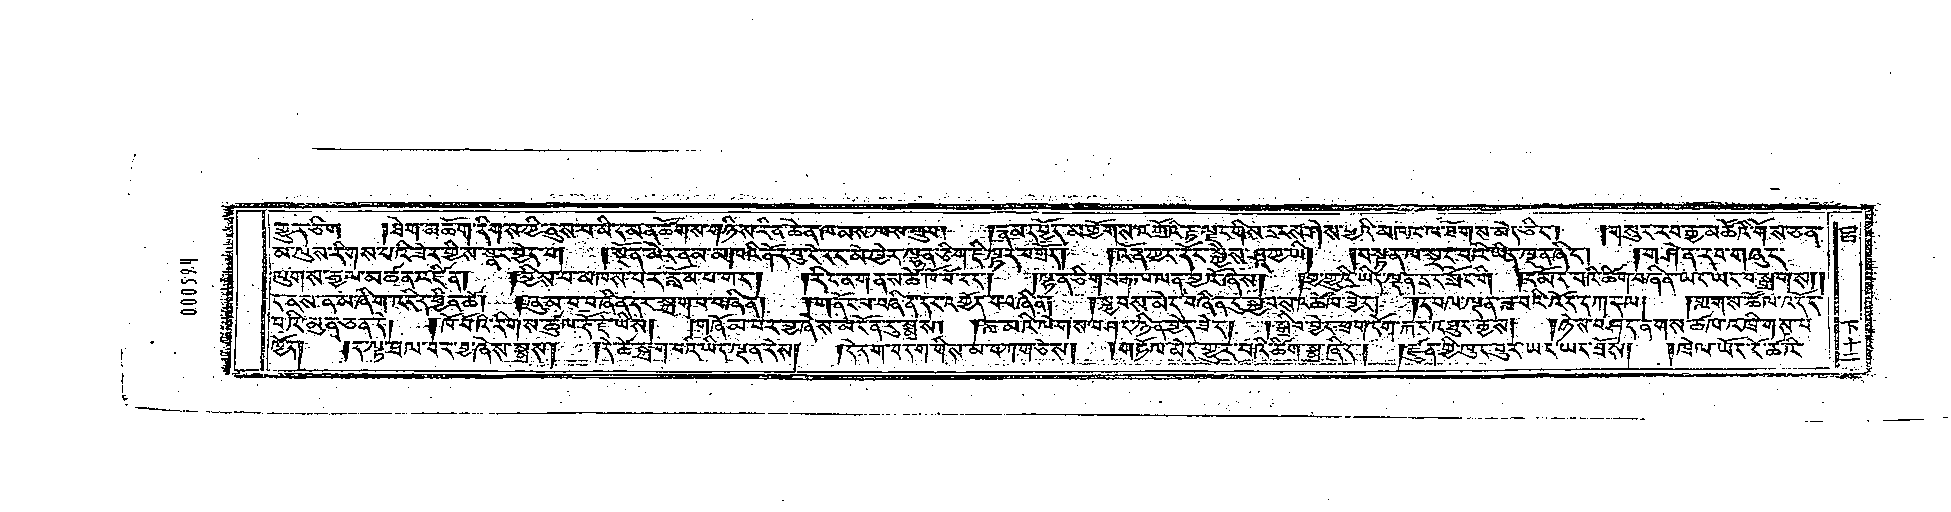གྱུར་ཅིག །ཐེག་མཆོག་རིགས་ཀྱི་ནུས་པ་མི་དམན་ཚོགས་གཉིས་རིན་ཆེན་ཁམས་ལས་གྲུབ། །རྣམ་དཔྱོད་མགྱོགས་འགྲོའི་རྟ་ལྗང་གིས་དྲངས་ཤེས་བྱའི་མཁའ་ལ་ཐོགས་མེད་ཅིང་། །གསུང་རབ་རྒྱ་མཚོའི་གོས་ཅན་
མ་ལུས་རིགས་པའི་ཟེར་གྱིས་སྣང་བྱེད་པ། །སྔོན་མེད་ནམ་མཁའི་ནོར་བུ་དེ་དང་མེ་ཁྱེར་ལྷན་ཅིག་ཇི་ལྟར་བགྲོད། །འོན་ཀྱང་རོང་སྐྱེས་ཤཱཀྱ་ཡི། །བསྟན་ལ་སྡང་བའི་ཡིད་ལྡན་ཞིང་། །གཤེན་རབ་གཞུང་
ལུགས་རྒྱལ་མཚན་འཛིན། །བྱིས་པ་མཁས་པར་རློམ་པ་གང་། །རིང་ན་གནས་ཚེ་ཁོ་བོ་དང་། །ལྷན་ཅིག་བརྒལ་ལན་བྱའོ་ཞེས། །གྱ་གྱུའི་ཡིད་ལྡན་དྲང་སྲོང་གི །དམོད་པའི་ཚིག་བཞིན་ཡང་ཡང་བསྒྲགས།།
ད་ནས་ནམ་ཞིག་འདིར་ཕྱིན་ཚེ། །ཞུམ་པ་བཞིན་དང་སྐྲག་པ་བཞིན། །གནོད་པ་བཞིན་དང་འགྱོད་པ་བཞིན། །སྐྱབས་མེད་བཞིན་དུ་སྐྱབས་འཚོ་བ་བྱེད། །དཔལ་ལྡན་ཟླ་བའི་འོད་དཀར་ལ། །གླགས་ཆོས་འདོད་
པའི་མུན་ཅན་དེ། །ཁོ་བོའི་རིགས་ཚུལ་རྡོ་རྗེ་ཡིས། །གཞོམ་པར་བྱ་ཞེས་མངོན་དུ་སྨྲས། །བླ་མའི་ལེགས་བཤད་ཉིན་བྱེད་ཟེར། །སྒྲིབ་བྱེད་ཕྲག་དོག་རྐང་འཐུང་རྒྱས། །ཉེས་བཤད་ནགས་ཚལ་འཁྲིགས་པ་
ཁྱོད། །ད་ལྟ་ཐལ་བར་བྱ་ཞེས་སྨྲས། །དེ་ཚེ་སྐྲག་བའི་ཡིད་ལྡན་དེས། །དེ་དག་བདག་གིས་མ་བཀག་ཅེས། །གཏོལ་མེད་གྱུར་བའི་ཚིག་སྨྲ་ཞིང་། །རྫུན་གྱི་ལུང་བུར་ཡང་ཡང་ཟོས། །ཁྲེལ་ཡོད་ངོ་ཚའི་